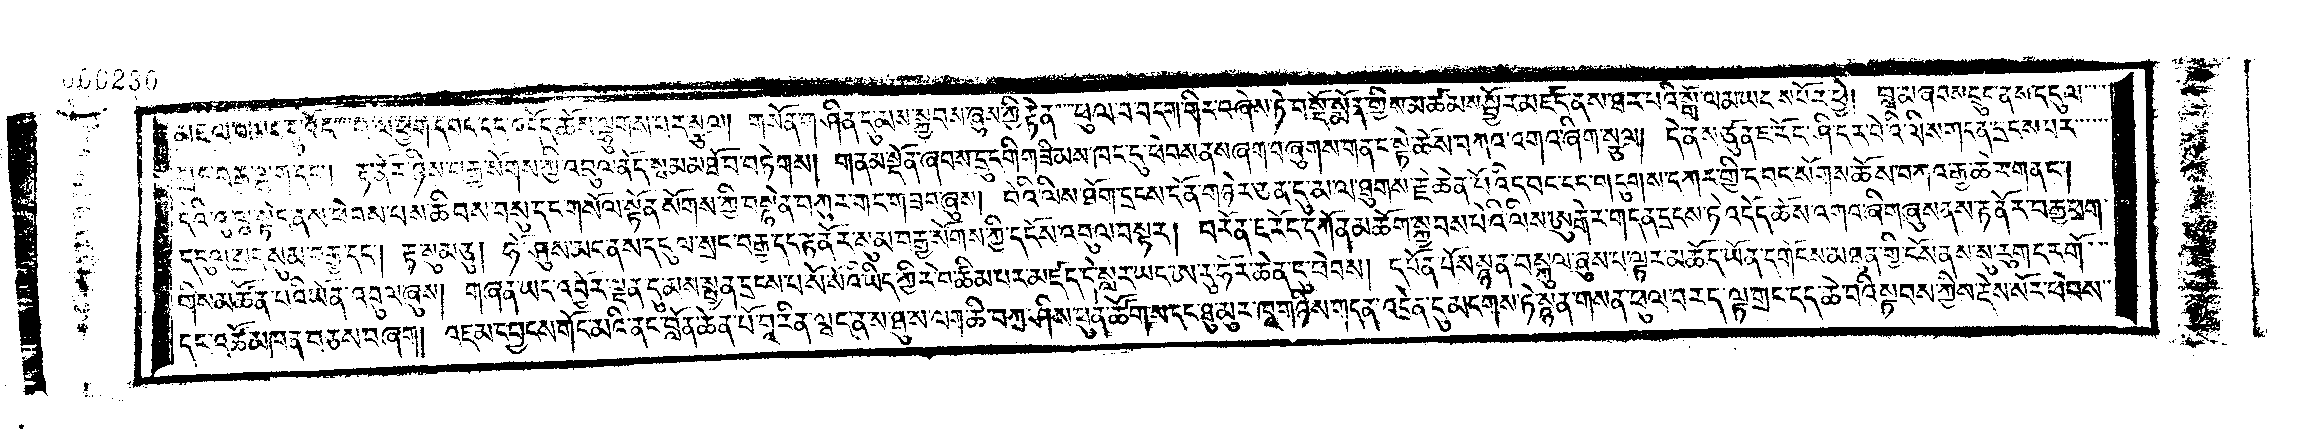མཇལ་བ་མང་དུ་འོང་བ་ལ་ཕྱག་དབང་དང་འདོད་ཆོས་ལྷུགས་པར་སྩལ། གསོན་གཤིན་དུ་མས་སྐྱབས་ཞུས་ཀྱི་རྟེན་ཕུལ་བ་བདག་གིར་བཞེས་ཏེ་བསྔོ་སྨོན་གྱིས་མཚམས་སྦྱོར་མཛད་ནས་ཐར་པའི་སྒོ་ལམ་ཡངས་པོར་ཕྱེ། བླ་མ་ཞབས་དྲུང་ནས་དངུལ་
སྲང་བརྒྱ་ལྷག་དང་། རྟ་ནོར་ཉིས་བརྒྱ་སོགས་ཀྱི་འབུལ་ནོད་སྤམ་མཐོ་བ་བཏེགས། གནམ་སྔོན་ཞབས་དྲུང་གི་གཟིམས་ཁང་དུ་ཕེབས་ནས་ཞག་བཞུགས་གནང་སྟེ་ཆོས་བཀའ་འགའ་ཞིག་སྩལ། དེ་ནས་ཙུན་ཇ་རོད་ཤི་དར་པེའི་ལིས་གདན་དྲངས་པར་
དེའི་འུ་ལཱ་སྟེང་ནས་ཕེབས་པས་ཆིབས་བསུ་དང་གསོལ་སྟོན་སོགས་ཀྱི་བསྙེན་བཀུར་གང་གཟབ་ཞུས། པེའི་ལིས་ཐོག་དྲངས་དོན་གཉེར་ཅན་དུ་མ་ལ་ཐུགས་རྗེ་ཆེན་པོའི་དབང་དང་གདུགས་དཀར་གྱི་དབང་སོགས་ཆོས་བཀའ་རྒྱ་ཆེར་གནང་།
དངུལ་སྲང་སུམ་བརྒྱ་དང་། རྟ་སུམ་ཅུ། ཧོ་ཤུས་མང་ནས་དངུལ་སྲང་བརྒྱ་དང་རྟ་ནོར་སུམ་བརྒྱ་སོགས་ཀྱི་དངོས་འབུལ་བསྟར། པ་རོན་ཇ་རོད་དཀོན་མཆོག་སྐྱབས་པེའི་ལིས་ཨུརྒེར་གདན་དྲངས་ཏེ་འདོད་ཆོས་འགའ་ཞིག་ཞུས་ནས་རྟ་ནོར་བརྒྱ་ཕྲག་
གིས་མཚོན་པའི་ཡོན་འབུལ་ཞུས། གཞན་ཡང་འབྱོར་ལྡན་དུ་མས་སྤྱན་དྲངས་པ་སོ་སོའི་ཡིད་ཀྱི་རེ་བ་ཆིམ་པར་མཛད་དེ་སླར་ཡང་ཨ་རུ་ཧོར་ཆེན་དུ་ཕེབས། དཔོན་པོས་སྙན་བསྐུལ་ཞུས་པ་ལྟར་མཆོད་ཡོན་དགོངས་མཐུན་གྱི་ངོས་ནས་སུ་རུག་དར་གོ་
དང་འཚོ་མཁན་བཅས་བཞག། འཇམ་དབྱངས་གོང་མའི་ནང་བློ་ན་ཆེན་པོ་པཱ་རིན་ཝང་ནས་ཐུས་ལག་ཆི་བཀྲ་ཤིས་ཕུན་ཚོགས་དང་ཐུ་མུར་ཁཱ་གཉིས་གདན་འདྲེན་དུ་མངགས་ཏེ་སྙན་གསན་ཕུལ་བར་ད་ལྟ་གྲང་ངད་ཆེ་བའི་སྟབས་ཀྱིས་རྗེས་སོར་ཕེབས་